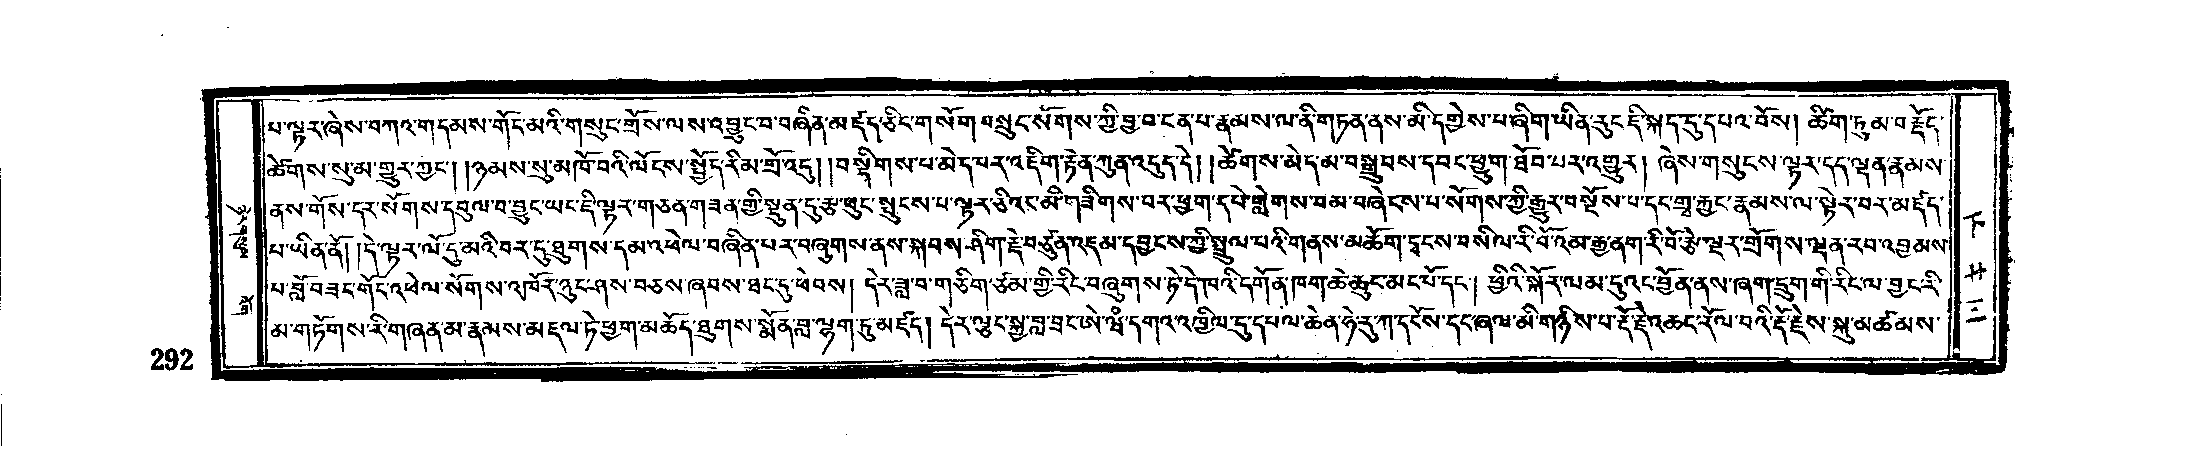པ་ལྟར་ཞེས་བཀའ་གདམས་གོང་མའི་གསུང་གྲོས་ལས་འབྱུང་བ་བཞིན་མཛད་ཅིང་གསོག་བསྲུང་སོགས་ཀྱི་བྱ་བ་ངན་པ་རྣམས་ལ་ནི་གཏན་ནས་མི་དགྱེས་པ་ཞིག་ཡིན་རུང་ཇི་སྐད་དུ་དཔའ་བོས། ཚིག་ཏུམ་བརྗོད་
ཚེགས་སུ་མ་གྱུར་ཀྱང་། །ཉམས་སུ་མཁོ་བའི་ལོངས་སྤྱོད་རིམ་གྲོ་འདུ། །བསྡིགས་པ་མེད་པར་འཇིག་རྟེན་ཀུན་འདུད་དེ། །ཚེགས་མེད་མ་བསྒྲུབས་དབང་ཕྱུག་ཐོབ་པར་འགྱུར། ཞེས་གསུངས་ལྟར་དད་ལྡན་རྣམས་
ནས་གོས་དར་སོགས་དབུལ་བ་བྱུང་ཡང་ཇི་ལྟར་གཅན་གཟན་གྱི་སྡུན་དུ་རྩ་ཕུང་སྤུངས་པ་ལྟར་ཅིའང་མི་གཟིགས་པར་ཕྱག་དཔེ་གླེགས་བམ་བཞེངས་པ་སོགས་ཀྱི་རྒྱུར་བསྔོས་པ་དང་གྲྭ་རྐྱང་རྣམས་ལ་སྟེར་བར་མཛད་
པ་ཡིན་ནོ། །དེ་ལྟར་ལོ་དུ་མའི་བར་དུ་ཐུགས་དམ་འཕེལ་བཞིན་པར་བཞུགས་ནས་སྐབས་ཤིག་རྗེ་བཙུན་འཇམ་དབྱངས་ཀྱི་སྤྲུལ་པའི་གནས་མཆོག་དྭངས་བསིལ་རི་བོ་འམ་རྒྱ་ནག་རི་བོ་རྩེ་ལྔར་གྲོགས་ལྡན་རབ་འབྱམས་
པ་བློ་བཟང་གོང་འཕེལ་སོགས་འཁོར་ཉུང་ཤས་བཅས་ཞབས་ཐང་དུ་ཕེབས། དེར་ཟླ་བ་གཅིག་ཙམ་གྱི་རིང་བཞུགས་ཏེ་དེ་ཁའི་དགོན་ཁག་ཆེ་ཆུང་མང་པོ་དང་། ཕྱིའི་སྐོར་ལམ་དུའང་བྱོན་ནས་ཞག་དྲུག་གི་རིང་ལ་བྱང་རི་
མ་གཏོགས་རི་གཞན་མ་རྣམས་མཇལ་ཏེ་ཕྱག་མཆོད་ཐུགས་སྨོན་བླ་ལྷག་ཏུ་མཛད། དེར་ལྕང་སྐྱ་བླ་བྲང་ཨེ་ཝཾ་དགའ་འཁྱིལ་དུ་དཔལ་ཆེན་ཧེ་རུ་ཀ་དངོས་དང་ཞལ་མི་གཉིས་པ་རྡོ་རྗེ་འཆང་རོལ་བའི་རྡོ་རྗེས་སྐུ་མཚམས་